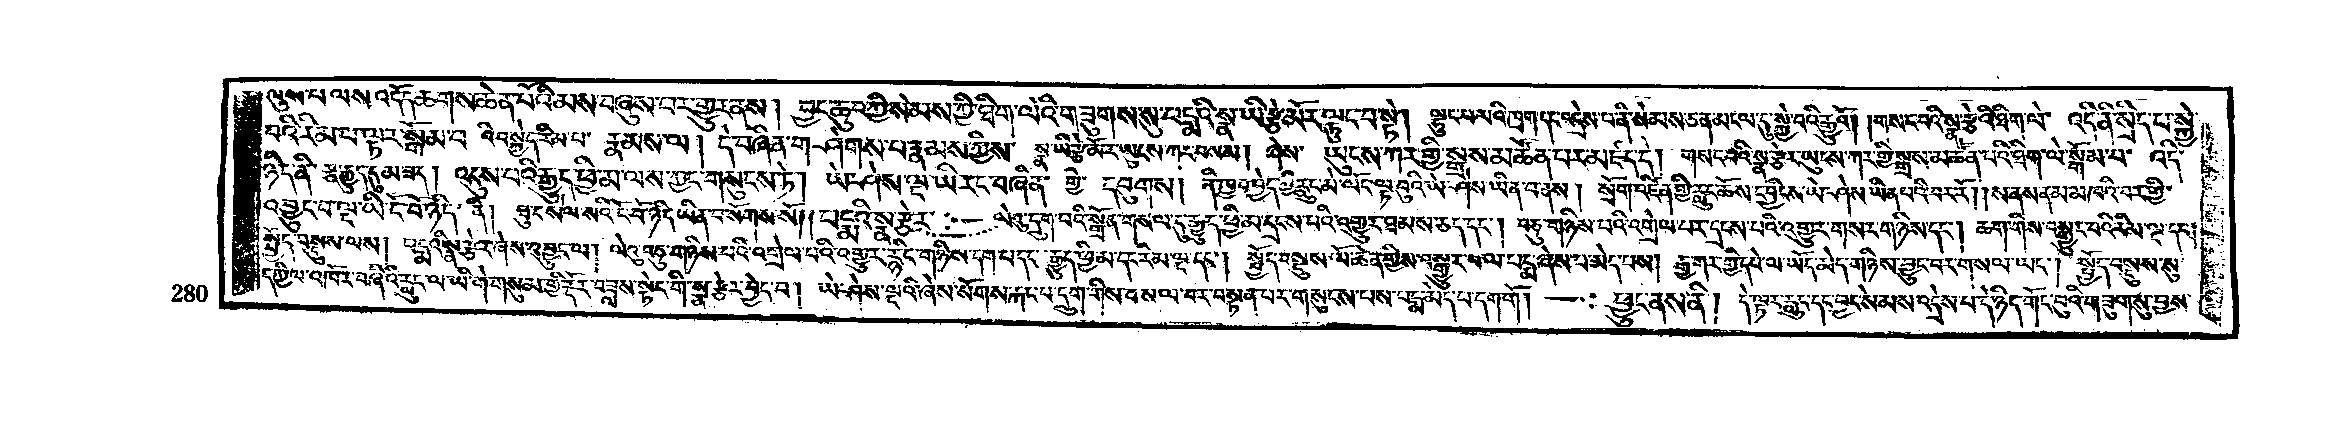ལུས་པ་ལས་འདོད་ཆགས་ཆེན་པོའི་མེས་བཞུས་པར་གྱུར་ནས། བྱང་ཆུབ་ཀྱི་སེམས་ཀྱི་ཐིག་ལེའི་གཟུགས་སུ་པདམའི་སྣ་ཡི་རྩེ་མོར་ལྟུང་བ་སྟེ། ལྷུང་བ་མའི་ཁྲག་དང་འདྲེས་པ་ནི་སེམས་ཅན་མངལ་དུ་སྐྱེ་བའི་རྒྱུའོ། །གསང་བའི་སྣ་རྩེའི་ཐིག་ལེ་འདི་ནི་སྲིད་པ་སྐྱེ་
བའི་རིམ་པ་ལྟར་སྒོམ་པའི་བསྐྱེད་རིམ་པ་རྣམས་ལ། དེ་བཞིན་གཤེགས་པ་རྣམས་ཀྱིས་སྣ་ཡི་རྩེ་མོར་ཡུངས་ཀར་བསམ། ཞེས་ཡུངས་ཀར་གྱི་སྒྲས་མཚོན་པར་མཛད་དེ། གསང་བའི་སྣ་རྩེར་ཡུངས་ཀར་གྱི་སྒྲས་མཚོན་པའི་ཐིག་ལེ་སྒོམ་པ་འདི་
ཉིད་ནི་རྩ་རྒྱུད་དུ་མ་ཟད།  འདུས་པའི་རྒྱུད་ཕྱི་མ་ལས་ཀྱང་གསུངས་ཏེ། ཡེ་ཤེས་ལྔ་ཡི་རང་བཞིན་གྱི་དབུགས། ནི་ཁྱམ་བྱེད་ཀྱི་རླུང་མེ་ལོང་ལྟ་བུའི་ཡེ་ཤེས་ཡིན་པ་ནས། སྲོག་འཛིན་གྱི་རླུང་ཆོས་དབྱིངས་ཡེ་ཤེས་ཡིན་པའི་བར་རོ། །ས་ནས་ནམ་མཁའི་བར་གྱི
འབྱུང་བ་ལྔ་ཡི་ངོ་བོ་ཉིད་ནི། ཐུར་སེལ་སའི་ངོ་བོ་ཉིད་ཡིན་པ་སོགས་སོ།  །པདམའི་སྣ་རྩེར་H.་ལེའུ་དྲུག་པའི་སྒྲོན་གསལ་དུ་རྒྱུད་ཕྱི་མ་དྲངས་པའི་འགྱུར་ཐམས་ཅད་དང་། བཅུ་གཉིས་པའི་འགྲེལ་པར་དྲངས་པའི་འགྱུར་གསར་གཉིས་དང་། ཆག་གིས་བསྒྱུར་བའི་རིམ་ལྔ་དང་།
སྤྱོད་བསྡུས་ལས། པདམའི་སྣ་རྩེར་ཞེས་འབྱུང་ལ། ལེའུ་བཅུ་གཉིས་པའི་འགྲེལ་པའི་འགྱུར་རྙིང་གཉིས་དག་པ་དང་རྒྱུད་ཕྱི་མ་དང་རིམ་ལྔ་དང་། སྤྱོད་བསྡུས་ལོ་ཆེན་གྱིས་བསྒྱུར་བ་ལ་པདམ་ཞེས་པ་མེད་པས། རྒྱ་གར་གྱི་དཔེ་ལ་ཡོད་མེད་གཉིས་བྱུང་བར་གསལ་ཡང་། སྤྱོད་བསྡུས་སུ་
དཀྱིལ་འཁོར་བཞིའི་རླུང་ལ་ཡི་གེ་གསུམ་གྱི་རྡོར་བཟླས་སྟེང་གི་སྣ་རྩེར་བྱེད་པ། ཡེ་ཤེས་ལྔའི་ཞེས་སོགས་རྐང་པ་དྲུག་གིས་གསལ་བར་བསྟན་པར་གསུངས་པས་པདམ་མེད་པ་དག་གོ། .H ཕྱུང་ནས་ནི། དེ་ལྟར་རླུང་དང་བྱང་སེམས་འདྲེས་པ་དེ་ཉིད་གོང་བུའི་གཟུགས་སུ་བྱས་